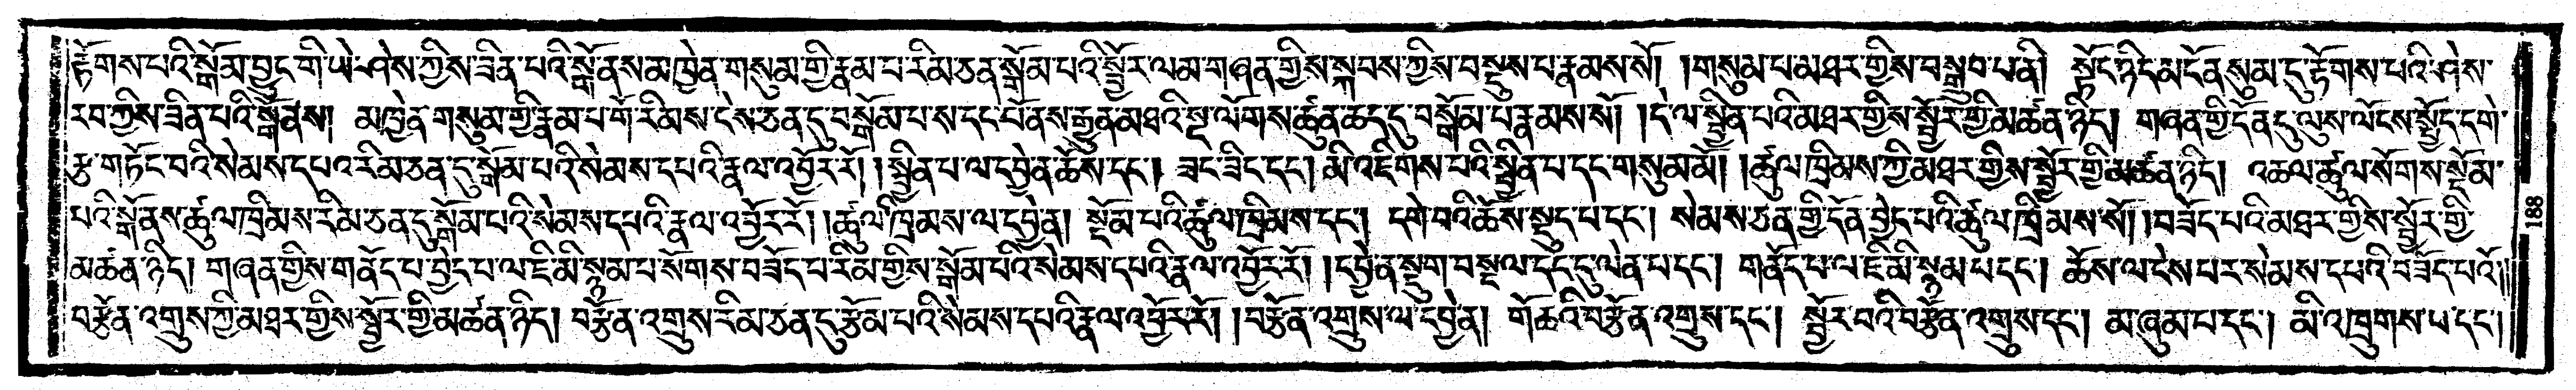རྟོགས་པའི་སྒོམ་བྱུང་གི་ཡེ་ཤེས་ཀྱིས་ཟིན་པའི་སྒོ་ནས་མཁྱེན་གསུམ་གྱི་རྣམ་པ་རིམ་ཅན་སྒོམ་པའི་སྦྱོར་ལམ་གཞན་གྱིས་སྐབས་ཀྱིས་བསྡུས་པ་རྣམས་སོ། །གསུམ་པ་མཐར་གྱིས་བསྒྲུབ་པ་ནི། སྟོང་ཉིད་མངོན་སུམ་དུ་རྟོགས་པའི་ཤེས་
རབ་ཀྱིས་ཟིན་པའི་སྒོ་ནས། མཁྱེན་གསུམ་གྱི་རྣམ་པ་གོ་རིམས་ངེས་ཅན་དུ་བསྒོམ་པ་ས་དང་པོ་ནས་རྒྱུན་མཐའི་སྔ་ལོགས་ཚུན་ཆད་དུ་བསྒོམ་པ་རྣམས་སོ། །དེ་ལ་སྦྱིན་པའི་མཐར་གྱིས་སྦྱོར་གྱི་མཚན་ཉིད། གཞན་གྱི་དོན་དུ་ལུས་ལོངས་སྤྱོད་དགེ་
རྩ་གཏོང་བའི་སེམས་དཔའ་རིམ་ཅན་དུ་སྒོམ་པའི་སེམས་དཔའི་རྣལ་འབྱོར་རོ། །སྦྱིན་པ་ལ་དབྱེ་ན་ཆོས་དང་། ཟང་ཟིང་དང་། མི་འཇིགས་པའི་སྦྱིན་པ་དང་གསུམ་མོ། །ཚུལ་ཁྲིམས་ཀྱི་མཐར་གྱིས་སྦྱོར་གྱི་མཚན་ཉིད། འཆལ་ཚུལ་སོགས་སྡོམ་
པའི་སྒོ་ནས་ཚུལ་ཁྲིམས་རིམ་ཅན་དུ་སྒོམ་པའི་སེམས་དཔའི་རྣལ་འབྱོར་རོ། །ཚུལ་ཁྲིམས་ལ་དབྱེ་ན། སྡོམ་པའི་ཚུལ་ཁྲིམས་དང་། དགེ་བའི་ཆོས་སྡུད་པ་དང་། སེམས་ཅན་གྱི་དོན་བྱེད་པའི་ཚུལ་ཁྲིམས་སོ། །བཟོད་པའི་མཐར་གྱིས་སྦྱོར་གྱི་
མཚན་ཉིད། གཞན་གྱིས་གནོད་པ་བྱེད་པ་ལ་ཇི་མི་སྙམ་པ་སོགས་བཟོད་པ་རིམ་གྱིས་སྒོམ་པའི་སེམས་དཔའི་རྣལ་འབྱོར་རོ། །དབྱེ་ན་སྡུག་བསྔལ་དང་དུ་ལེན་པ་དང་། གནོད་པ་ལ་ཇི་མི་སྙམ་པ་དང་། ཆོས་ལ་ངེས་པར་སེམས་དཔའི་བཟོད་པའོ།།
བརྩོན་འགྲུས་ཀྱི་མཐར་གྱིས་སྦྱོར་གྱི་མཚན་ཉིད། བརྩོན་འགྲུས་རིམ་ཅན་དུ་རྩོམ་པའི་སེམས་དཔའི་རྣལ་འབྱོར་རོ། །བརྩོན་འགྲུས་ལ་དབྱེ་ན། གོ་ཆའི་བརྩོན་འགྲུས་དང་། སྦྱོར་བའི་བརྩོན་འགྲུས་དང་། མ་ཞུམ་པ་དང་། མི་འཁྲུགས་པ་དང་།